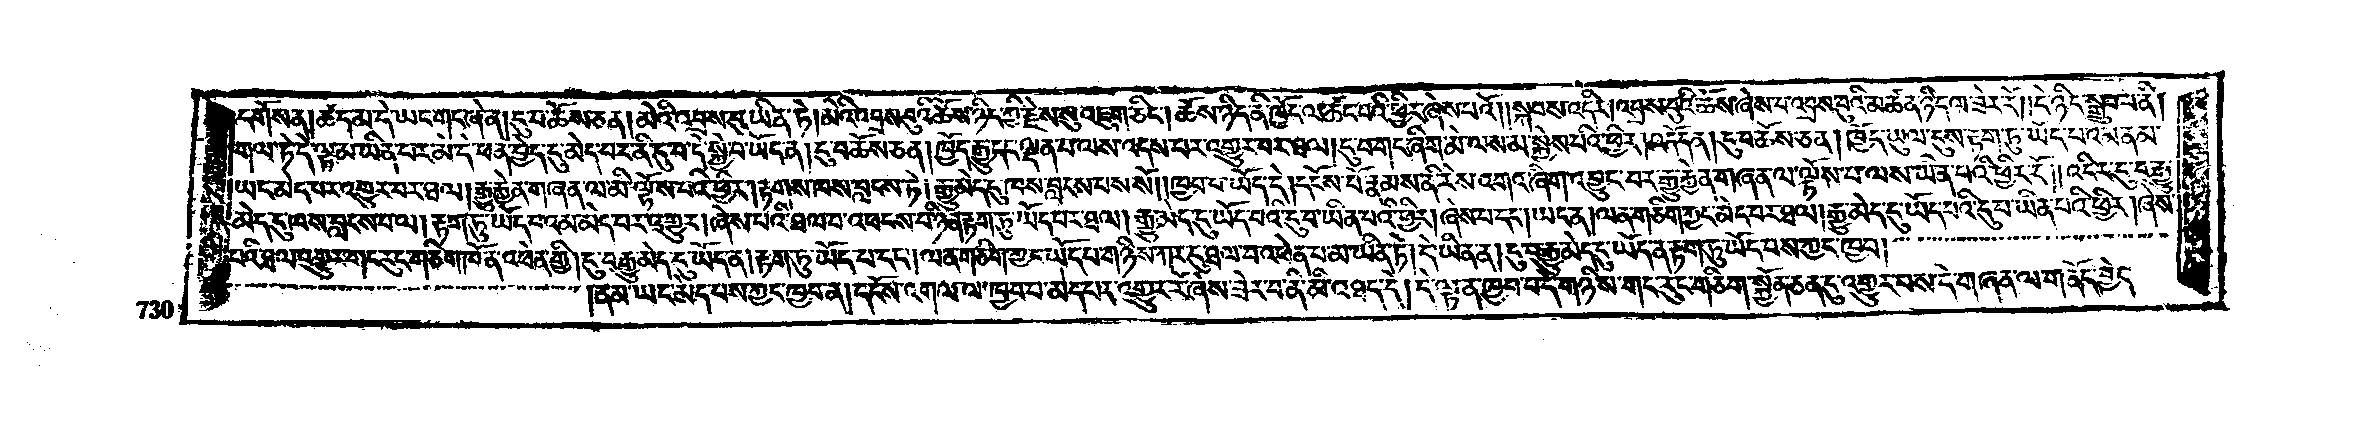དགོས་ན། ཚད་མ་དེ་ཡང་གང་ཞེ་ན། དུ་བ་ཆོས་ཅན། མེའི་འབྲས་བུ་ཡིན་ཏེ། མེའི་འབྲས་བུའི་ཆོས་ཉིད་ཀྱི་རྗེས་སུ་འཇུག་ཅིང་། ཆོས་ཉིད་ནི་ཁྱོད་ལ་ཚང་བའི་ཕྱིར་ཞེས་པའོ། །སྐབས་འདིར། འབྲས་བུའི་ཆོས་ཞེས་པ་འབྲས་བུའི་མཚན་ཉིད་ལ་ཟེར་རོ། །དེ་ཉིད་སྒྲུབ་པ་ནི།
གལ་ཏེ་དེ་ལྟ་མ་ཡིན་པར་མེ་དེ་ཕན་བྱེད་དུ་མེད་པར་ནི་དུ་བ་དེ་སྐྱེ་བ་ཡོད་ན། དུ་བ་ཆོས་ཅན། ཁྱོད་རྒྱུ་དང་ལྡན་པ་ལས་འདས་པར་འགྱུར་བར་ཐལ། དུ་བ་གང་ཞིག་མེ་ལས་མ་སྐྱེས་པའི་ཕྱིར། འདོད་ན། དུ་བ་ཆོས་ཅན། ཁྱོད་ཡུལ་དུས་རྟག་ཏུ་ཡོད་པའམ་ནམ་
ཡང་མེད་པར་འགྱུར་བར་ཐལ། རྒྱུ་རྐྱེན་གཞན་ལ་མི་ལྟོས་པའི་ཕྱིར། རྟགས་ཁས་བླངས་ཏེ། རྒྱུ་མེད་དུ་ཁས་བླངས་པས་སོ། །ཁྱབ་པ་ཡོད་དེ། དངོས་པོ་རྣམས་ནི་རེས་འགའ་ཞིག་འབྱུང་བར་རྒྱུ་རྐྱེན་གཞན་ལ་ལྟོས་པ་ལས་ཡིན་པའི་ཕྱིར་རོ། །འདིར་དུ་བ་རྒྱུ་
མེད་དུ་ཁས་བླངས་པ་ལ། རྟག་ཏུ་ཡོད་པའམ་མེད་པར་འགྱུར། ཞེས་པའི་ཐལ་བ་འཕངས་པ་ཉིན་རྟག་ཏུ་ཡོད་པར་ཐལ། རྒྱུ་མེད་དུ་ཡོད་པའི་དུ་བ་ཡིན་པའི་ཕྱིར། ཞེས་པ་དང་། ཡང་ན། ལན་གཅིག་ཀྱང་མེད་པར་ཐལ། རྒྱུ་མེད་དུ་ཡོད་པའི་དུ་བ་ཡིན་པའི་ཕྱིར། ཞེས་
པའི་ཐལ་འགྱུར་གང་རུང་གཅིག་ཁོ་ན་འཕེན་གྱི། དུ་བ་རྒྱུ་མེད་དུ་ཡོད་ན། རྟག་ཏུ་ཡོད་པ་དང་། ལན་གཅིག་ཀྱང་ཡོད་པ་གཉིས་ཀར་དུ་ཐལ་བ་འཕེན་པ་མ་ཡིན་ཏེ། དེ་ཡིན་ན། དུ་བ་རྒྱུ་མེད་དུ་ཡོད་ན་རྟག་ཏུ་ཡོད་པས་ཀྱང་ཁྱབ།
།ནམ་ཡང་མེད་པས་ཀྱང་ཁྱབ་ན། དངོས་འགལ་ལ་ཁྱབ་པ་མེད་པར་འགྱུར་རོ་ཞེས་ཟེར་བ་ནི་མི་འཐད་དེ། དེ་ལྟ་ན་ཁྱབ་པ་དེ་གཉིས་གང་རུང་གཅིག་སྐྱོན་ཅན་དུ་འགྱུར་བས་དེ་གཞན་ལ་གནོད་བྱེད་